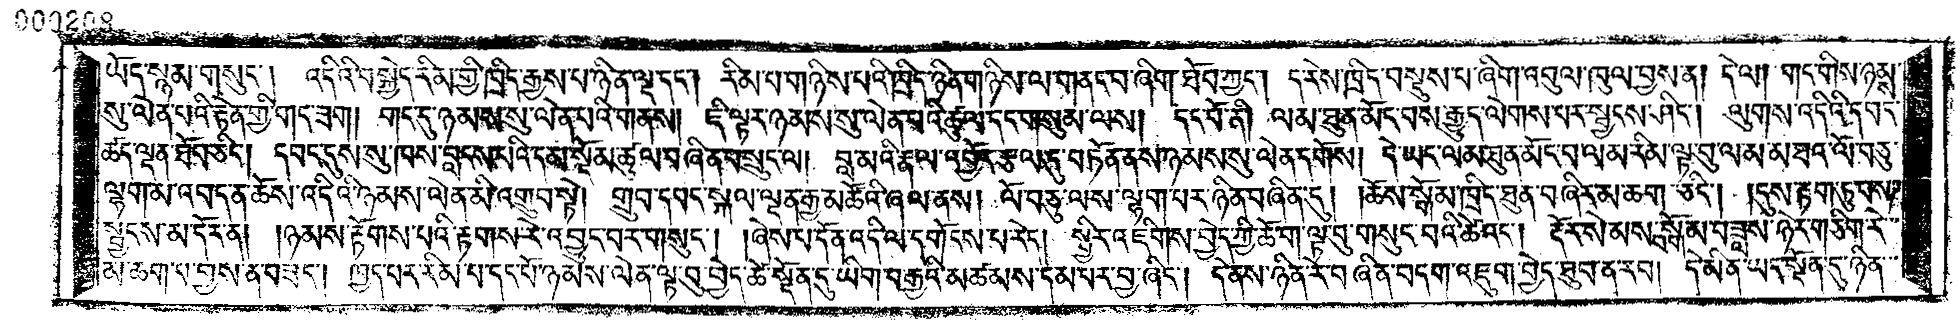ཡོད་སྙམ་གསུང་། འདིའི་བསྐྱེད་རིམ་གྱི་ཁྲིད་རྒྱས་པ་ཉིན་ལྔ་དང་། རིམ་པ་གཉིས་པའི་ཁྲིད་ཉིན་གཉིས་ལ་གནང་བ་ཞིག་ཐོབ་ཀྱང་། ད་རེས་ཁྲིད་བསྡུས་པ་ཞིག་འབུལ་ཁུལ་བྱས་ན། དེ་ལ། གང་གིས་ཉམས་
སུ་ལེན་པའི་རྟེན་གྱི་གང་ཟག །གང་དུ་ཉམས་སུ་ལེན་པའི་གནས། ཇི་ལྟར་ཉམས་སུ་ལེན་པའི་ཚུལ་དང་གསུམ་ལས། དང་པོ་ནི། ལམ་ཐུན་མོང་པས་རྒྱུད་ལེགས་པར་སྦྱངས་ཤིང་། ལུགས་འདིའི་དབང་
ཚད་ལྡན་ཐོབ་ཅིང་། དབང་དུས་སུ་ཁས་བླངས་པའི་དམ་སྡོམ་ཚུལ་བཞིན་བསྲུང་ལ། བླ་མའི་རྣལ་འབྱོར་རྩལ་དུ་བཏོན་ནས་ཉམས་སུ་ལེན་དགོས། དེ་ཡང་ལམ་ཐུན་མོང་བ་ལམ་རིམ་ལྟ་བུ་ལ་མ་མཐའ་ལོ་བཅུ་
ལྷག་མ་འབད་ན་ཆོས་འདིའི་ཉམས་ལེན་མི་འགྲུབ་སྟེ། གྲུབ་དབང་སྐལ་ལྡན་རྒྱ་མཚོའི་ཞལ་ནས། ལོ་བཅུ་ལས་ལྷག་པར་ཉིན་བཞིན་དུ། །ཆོས་སྒོམ་ཁྲིད་ཐུན་བཞིར་མ་ཆག་ཅིང་། །དུས་རྟག་ཏུ་བསགས་
སྦྱངས་མ་དོར་ན། །ཉམས་རྟོགས་པའི་རྟགས་རེ་འབྱུང་བར་གསུང་། །ཞེས་པ་དོན་འདི་ལ་དགོངས་པ་རེད། སྤྱིར་འཇིགས་བྱེད་ཀྱི་ཆོ་ག་ལྟ་བུ་གསུང་བའི་ཚེའང་། རྡོར་སེམས་བསྒོམ་བཟླས་ཉེར་གཅིག་རེ་
མ་ཆག་པ་བྱས་ན་བཟང་། ཁྱད་པར་རིམ་པ་དང་པོ་ཉམས་ལེན་ལྟ་བུ་བྱེད་ཚེ་སྔོན་དུ་ཡིག་བརྒྱའི་མཚམས་དམ་པར་བྱ་ཞིང་། དེ་ནས་ཉིན་རེ་བཞིན་བདག་འཇུག་བྱེད་ཐུབ་ན་རབ། དེ་མིན་ཡང་སྔོན་དུ་ཉིན་